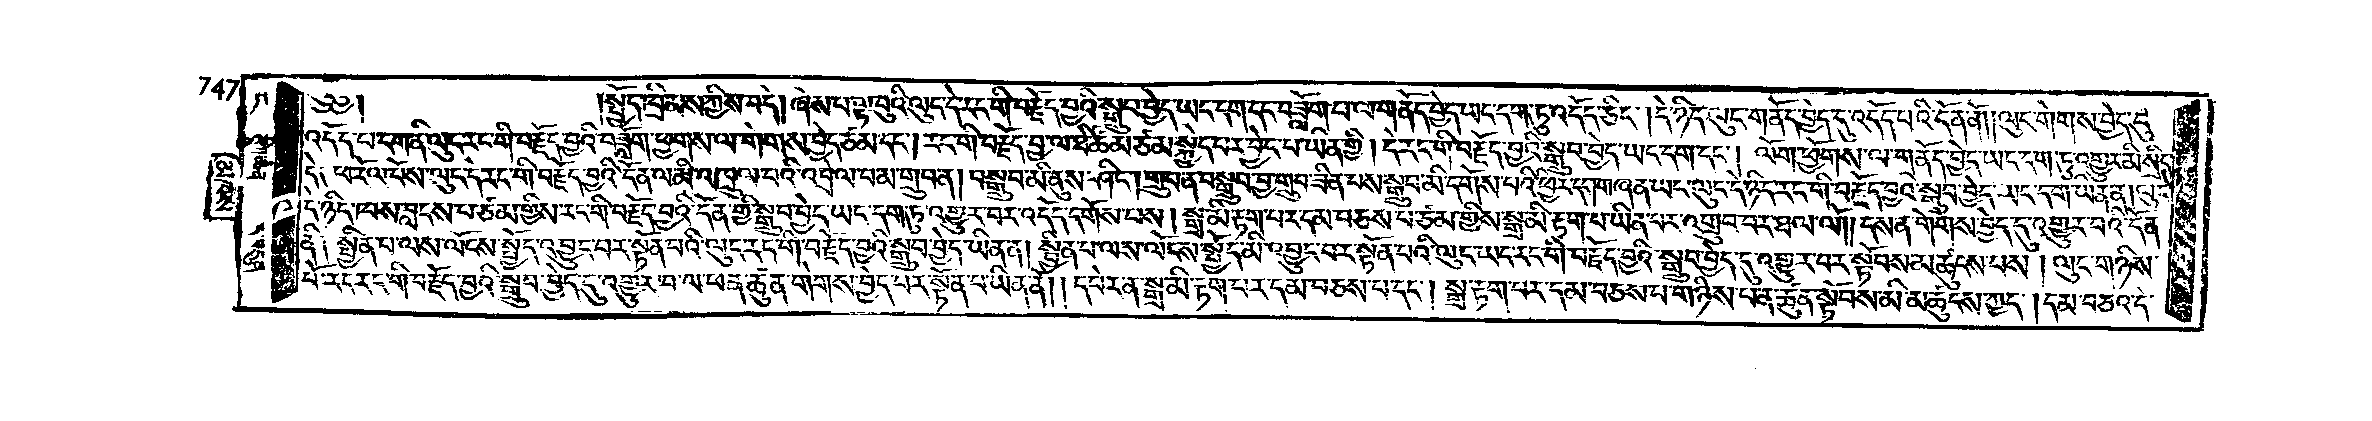༄༅། །སྤྱོད་ཁྲིམས་ཀྱིས་བདེ། ཞེས་པ་ལྟ་བུའི་ལུང་དེ་རང་གི་བརྗོད་བྱའི་སྒྲུབ་བྱེད་ཡང་དག་དང་བཟློག་པ་ལ་གནོད་བྱེད་ཡང་དག་ཏུ་འདོད་ཅིང་། དེ་ཉིད་ལུང་གནོད་བྱེད་དུ་འདོད་པའི་དོན་ནོ། །ལུང་གེགས་བྱེད་དུ་
འདོད་པ་དག་ནི་ལུང་རང་གི་བརྗོད་བྱའི་བཟློག་ཕྱོགས་ལ་གེགས་བྱེད་ཙམ་དང་། རང་གི་བརྗོད་བྱ་ལ་ཐེ་ཚོམ་ཙམ་སྐྱེད་པར་བྱེད་པ་ཡིན་གྱི། དེ་རང་གི་བརྗོད་བྱའི་སྒྲུབ་བྱེད་ཡང་དག་དང་། ལོག་ཕྱོགས་ལ་གནོད་བྱེད་ཡང་དག་ཏུ་འགྱུར་མི་སྲིད་
དེ། ཕ་རོལ་པོས་ལུང་དེ་རང་གི་བརྗོད་བྱའི་དོན་ལ་མི་འཁྲུལ་བའི་འབྲེལ་བ་མ་གྲུབ་ན། བསྒྲུབ་མི་ནུས་ཤིང་། གྲུབ་ན་བསྒྲུབ་བྱ་གྲུབ་ཟིན་པས་སྒྲུབ་མི་དགོས་པའི་ཕྱིར་དང་། གཞན་ཡང་ལུང་དེ་ཉིད་རང་གི་བརྗོད་བྱའི་སྒྲུབ་བྱེད་ཡང་དག་ཡིན་ན། ལུང་
དེ་ཉིད་ཁས་བླངས་པ་ཙམ་གྱིས་རང་གི་བརྗོད་བྱའི་དོན་གྱི་སྒྲུབ་བྱེད་ཡང་དག་ཏུ་འགྱུར་བར་འདོད་དགོས་པས། སྒྲ་མི་རྟག་པར་དམ་བཅས་པ་ཙམ་གྱིས་སྒྲ་མི་རྟག་པ་ཡིན་པར་འགྲུབ་པར་ཐལ་ལོ། །དེས་ན་གེགས་བྱེད་བྱེད་དུ་འགྱུར་བའི་དོན་
ནི། སྦྱིན་པ་ལས་ལོངས་སྤྱོད་འབྱུང་བར་སྟོན་པའི་ལུང་རང་གི་བརྗོད་བྱའི་སྒྲུབ་བྱེད་ཡིན་ན། སྦྱིན་པ་ལས་ལོངས་སྤྱོད་མི་འབྱུང་བར་སྟོན་པའི་ལུང་ཡང་རང་གི་བརྗོད་བྱའི་སྒྲུབ་བྱེད་དུ་འགྱུར་བར་སྟོབས་མཚུངས་པས། ལུང་གཉིས་
པོ་རང་རང་གི་བརྗོད་བྱའི་སྒྲུབ་བྱེད་དུ་འགྱུར་བ་ལ་ཕན་ཚུན་གེགས་བྱེད་པར་སྟོན་པ་ཡིན་ནོ། །དཔེར་ན་སྒྲ་མི་རྟག་པར་དམ་བཅས་པ་དང་། སྒྲ་རྟག་པར་དམ་བཅས་པ་གཉིས་ཕན་ཚུན་སྟོབས་མི་མཚུངས་ཀྱང་། དམ་བཅའ་དེ་